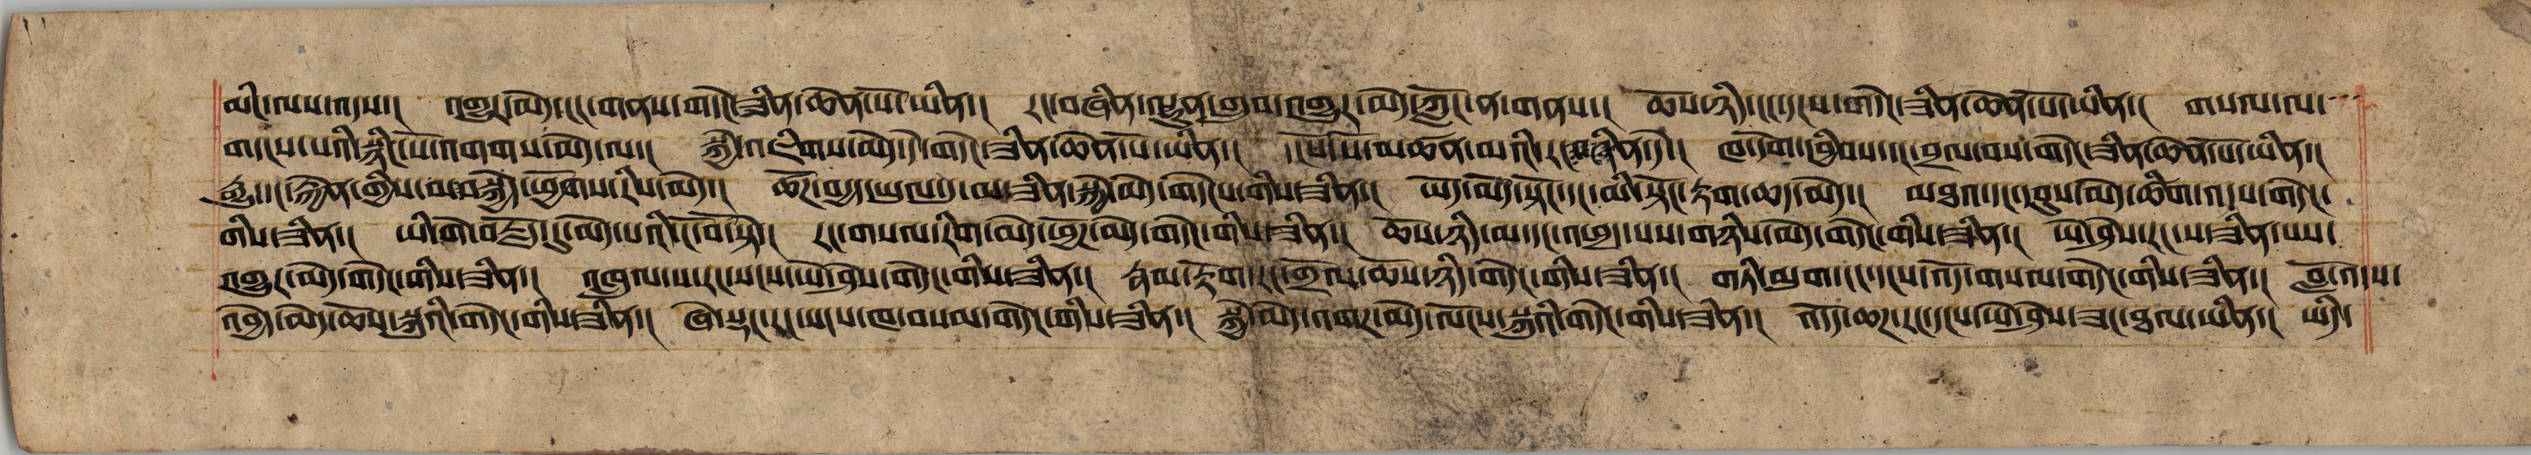མིང་ལས་འདས་། འགྱུར་མེད་ངང་གནས་གདེང་ཟིན་ཆེན་པོ་ཡིན་། རང་བཞིན་ལྷུན་གྲུབ་འགྱུར་མེད་ཀློང་ན་གནས་། ཆོས་ཉིད་ངང་དངས་གདེང་ཟིན་ཆེན་པོ་ཡིན་། གསལ་ལ་
གདངས་པའི་སྣིང་པོ་འགགས་མེད་ལ་། སྐྱེ་འཇིགས་མེད་དེ་གདེང་ཟིན་ཆེན་པོ་ཡིན་། དངོས་པོ་མཚན་མའི་རང་བཞིན་དེ་། ཁ་དོག་དབྱིབས་དང་བྲལ་བས་གདེང་ཟིན་ཆེན་པོ་ཡིན་།
རྒྱུ་དང་རྐྱེན་གྱིས་མ་བསྐྱེད་ཕྱོགས་རིས་མེད་། ཚོཌ་བདྱད་ཡུལ་དུ་མ་ཟིན་སྐྱེ་མེད་གདེངས་གིས་ཟིན་། ཡོད་མེད་སྟོང་དང་མི་སྟོང་རྟག་ཆད་མེད་། མཐའ་དང་དབུས་མེད་ཚིག་འདས་གདེང་
གིས་ཟིན་། ཡི་གེ་བརྗོད་དུ་མེད་པའི་ངོ་བོ་སྟེ་། རང་གསལ་རིག་མེད་ཕྱོཌ་མེད་གདེང་གིས་ཟིན་། ཆོས་ཉིད་མ་དང་འཕྲད་པས་གཉིས་མེད་གདེང་གིས་ཟིན་། ཡེ་ཤེས་རང་ས་ཟིན་པས་
འགྱུར་མེད་གདེང་གིས་ཟིན་། འཁྲུལ་པ་རང་སངས་ཡེ་ཤེས་གདེང་གིས་ཟིན་། རྣམ་རྟོག་རང་གྲོལ་ཆོས་ཉིད་གདེང་གིས་ཟིན་། གཏི་མུག་ངང་དངས་འོད་གསལ་གདེང་གིས་ཟིན་། བློ་འདས་
འབྱེད་མེད་ཆོས་སྐུའི་གདེང་གིས་ཟིན་། ཞེ་སྡང་རང་སངས་ཁ་བསམ་གདེང་གིས་ཟིན་། སྐྱེ་མེད་འགཌ་མེད་ལོངས་སྐུའི་གདེང་གིས་ཟིན་། འདོད་ཆཌ་རང་དངས་ཡེ་ཤེས་ཟང་ཐལ་ཡིན་། ཡིད་